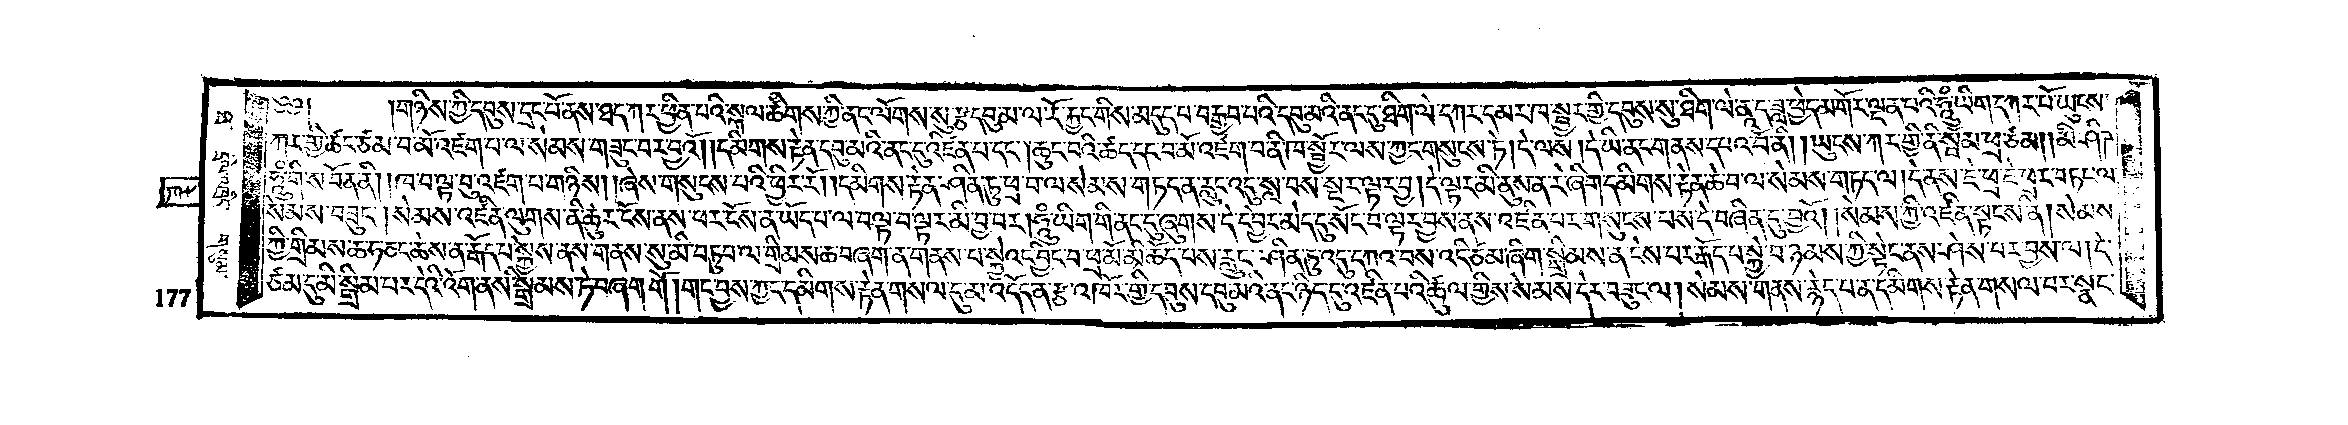༄༅། །གཉིས་ཀྱི་དབུས་དྲང་པོ་ནས་ཐད་ཀར་ཕྱིན་པའི་སྒལ་ཚིགས་ཀྱི་ནང་ལོགས་སུ་རྩ་དབུ་མ་ལ་རོ་རྐྱང་གིས་མདུད་པ་བརྒྱབ་པའི་དབུ་མའི་ནང་དུ་ཐིག་ལེ་དཀར་དམར་ཁ་སྦྱར་གྱི་དབུས་སུ་ཐིག་ལེ་ནཱ་ད་ཟླ་ཕྱེད་མགོར་ལྡན་པའི་ཧཱུཾ་ཡིག་དཀར་པོ་ཡུངས་
ཀར་གྱི་ཚང་ཙམ་བ་མོ་འཛག་པ་ལ་སེམས་གཟུང་བར་བྱའོ། །དམིགས་རྟེན་དབུ་མའི་ནང་དུ་འཛིན་པ་དང་། ཆུང་བའི་ཚད་དང་བ་མོ་འཛག་པ་ནི་ཁ་སྦྱོར་ལས་ཀྱང་གསུངས་ཏེ། དེ་ལས། དེ་ཡི་ནང་གནས་དཔའ་བོ་ནི། །ཡུངས་ཀར་གྱི་ནི་སྦོམ་ཕྲ་ཙམ། །མི་ཤིགས་
ཧཱུཾ་གི་ས་བོན་ནི། །ཁ་བ་ལྟ་བུ་འཛག་པ་གཉིས། །ཞེས་གསུངས་པའི་ཕྱིར་རོ། །དམིགས་རྟེན་ཤིན་ཏུ་ཕྲ་བ་ལ་སེམས་གཏད་ན་རླུང་འདུ་སླ་བས་སྔར་ལྟར་བྱ། དེ་ལྟར་མི་མིན་མུས་ན་རེ་ཞིག་དམིགས་རྟེན་ཆེ་བ་ལ་སེམས་གཏད་ལ། དེ་ནས་རྗེ་ཕྲ་ཇེ་ཕྲར་བཏང་ལ་
སེམས་བཟུང་། སེམས་འཛིན་ལུགས་ནི་ཚུར་ངོས་ནས་ཕར་ངོས་ན་ཡོད་པ་ལ་བལྟ་བ་ལྟར་མི་བྱ་བར། ཧཱུཾ་ཡིག་གི་ནང་དུ་ཞུགས་དེ་དབྱེར་མེད་དུ་སོང་བ་ལྟར་བྱས་ནས་འཛིན་པར་གསུངས་པས་དེ་བཞིན་དུ་བྱའོ། །སེམས་ཀྱི་འཛིན་སྟངས་ནི། སེམས་
ཀྱི་གྲིམས་ཆ་ཧ་ཅང་ཆེས་ན་རྒོད་པ་སྐྱེས་ནས་གནས་སུ་མི་བཏུབ་ལ་གྲིམས་ཆ་བཞག་ན་གནས་པ་སྐྱེའང་བྱིང་བ་ཕྲ་མོ་མི་ཆོད་པས་རླུང་ཤིན་ཏུ་འདུ་དཀའ་བས་འདི་ཙམ་ཞིག་སྒྲིམས་ན་ངེས་པར་རྒོད་པ་སྐྱེ་བ་ཉམས་ཀྱི་སྟེང་ནས་ཤེས་པར་བྱས་ལ། དེ་
ཙམ་དུ་མི་སྒྲིམ་པར་དེའི་འོག་ནས་སྒྲིམས་ཏེ་བཞག་གོ །གང་བྱས་ཀྱང་དམིགས་རྟེན་གསལ་དུ་མ་འདོད་ན་རྩ་འཁོར་གྱི་དབུས་དབུ་མའི་ནང་ཉིད་དུ་འཛིན་པའི་ཚུལ་གྱིས་སེམས་དེར་བཟུང་ལ། སེམས་གནས་རྙེད་པ་ན་དམིགས་རྟེན་གསལ་བར་སྣང་